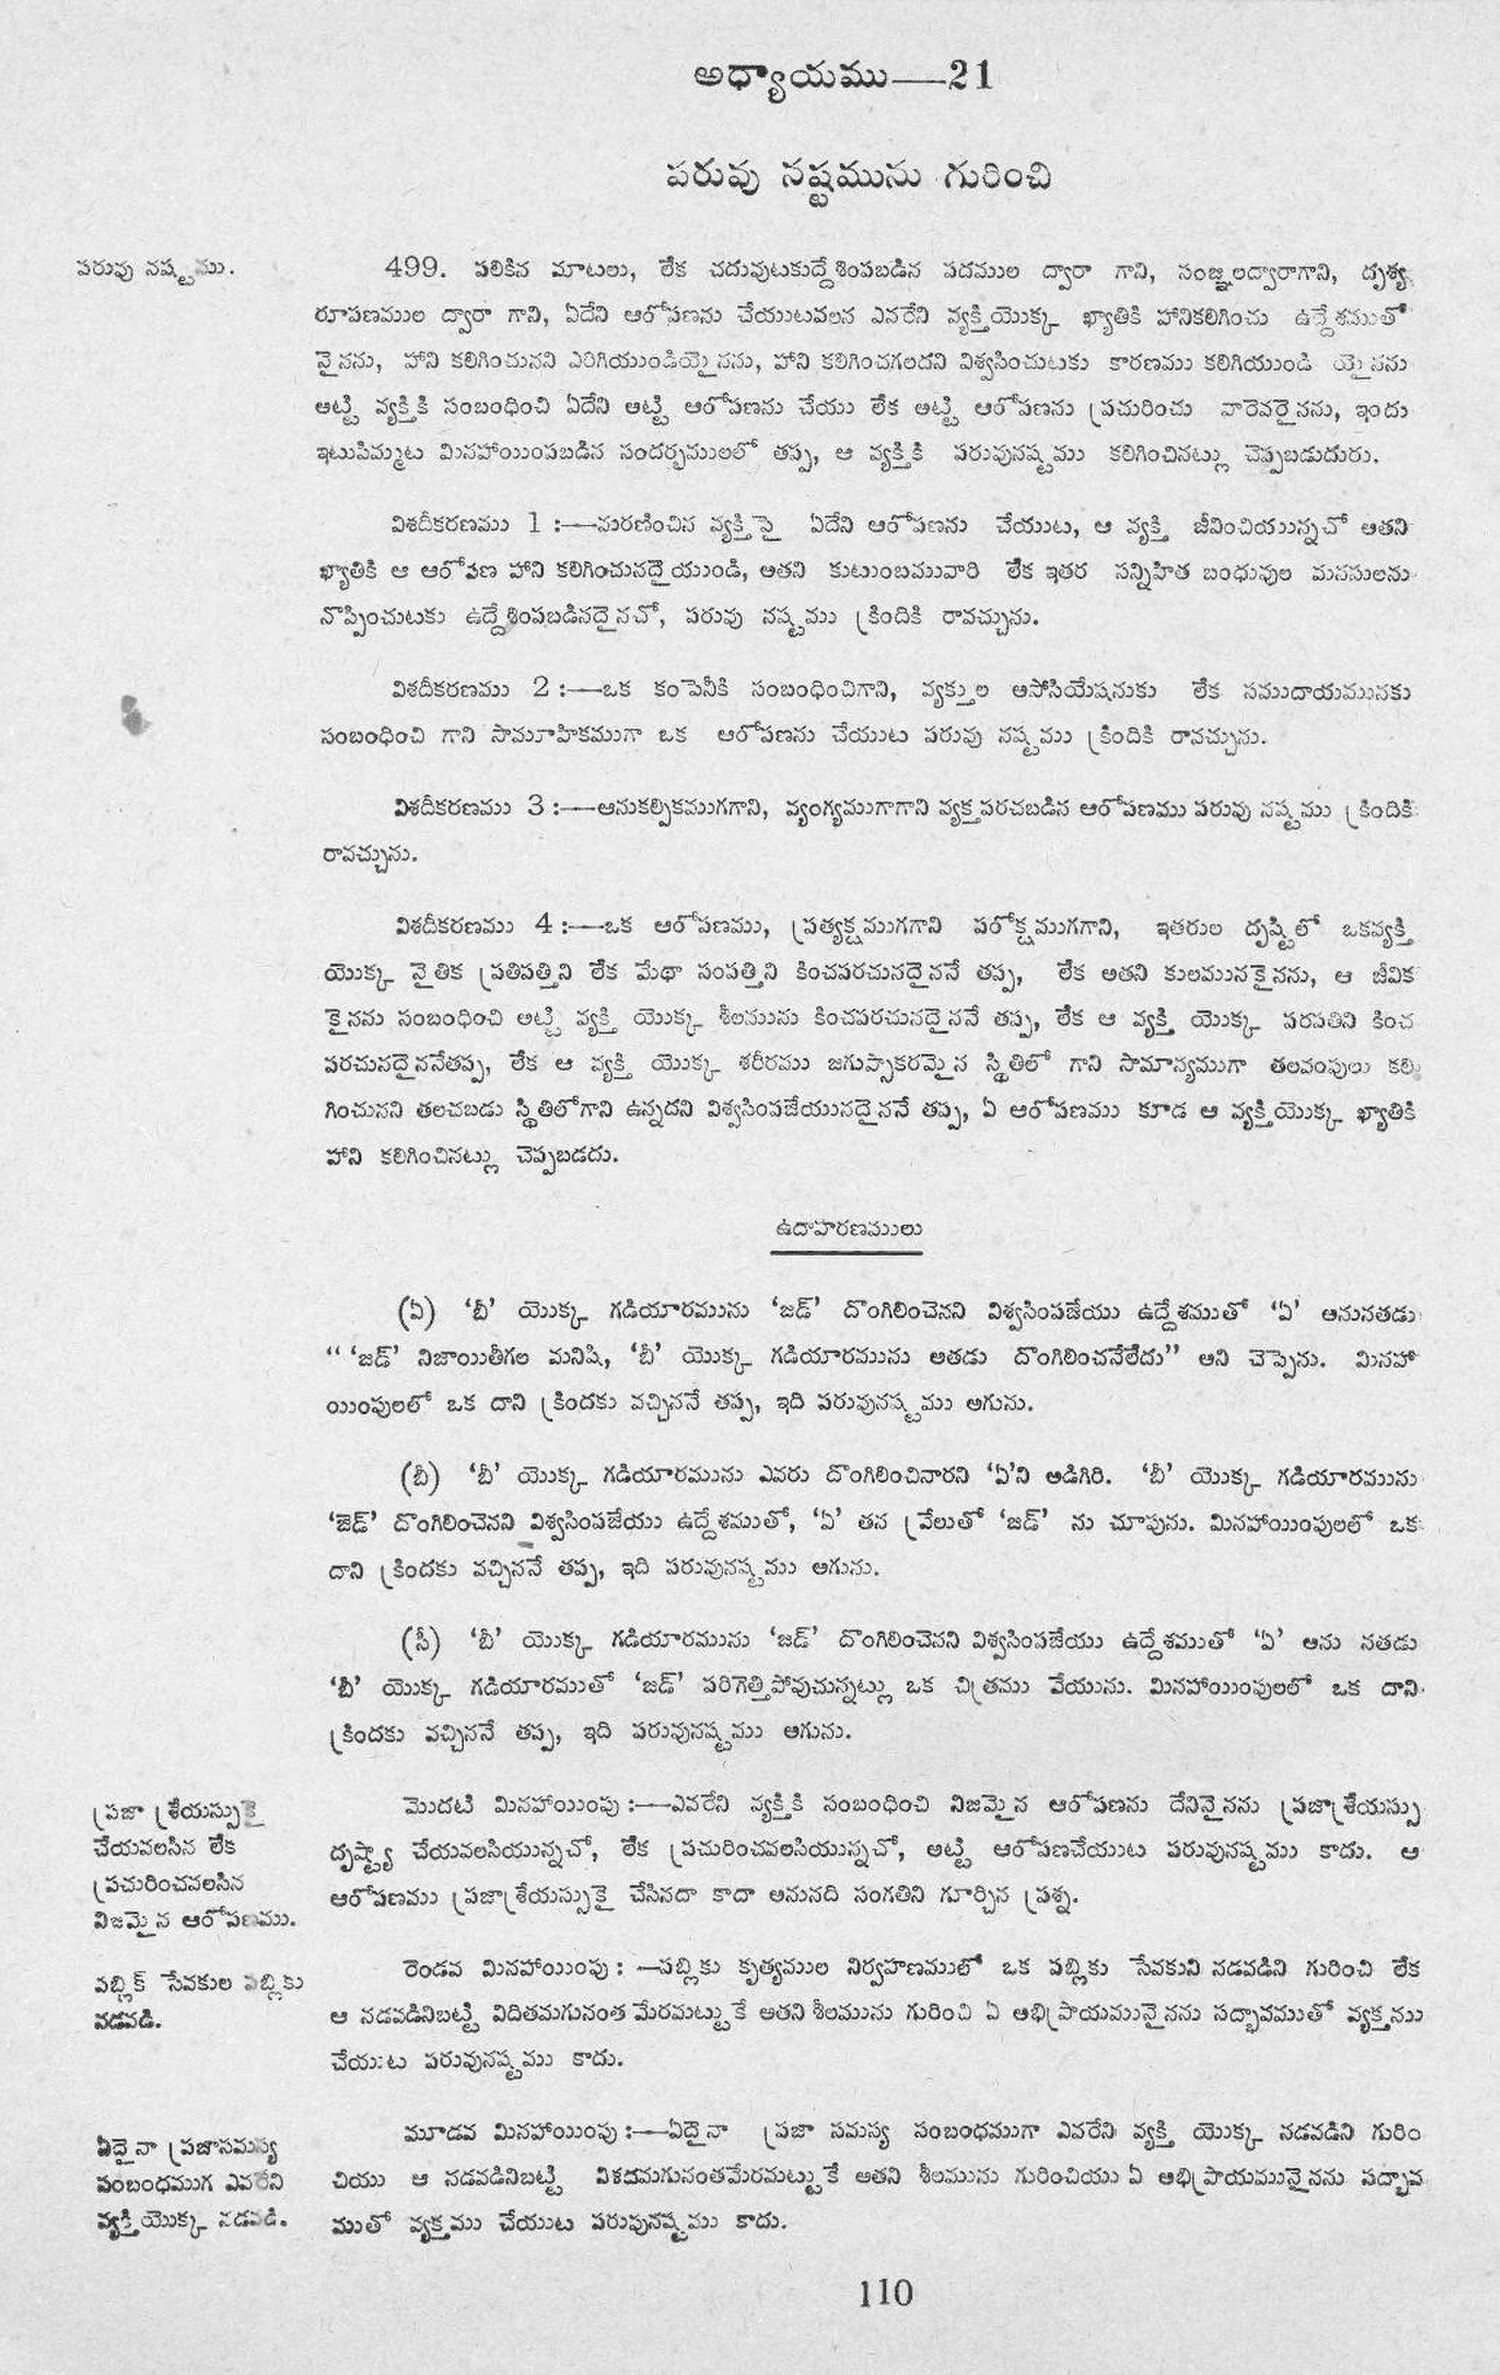పరువు నష్తము.

499. పలికిన మాటలు, లేక చదువుటకుద్దే శింపబడిన పదముల ద్వారా గాని, సంజ్ఞల ద్వారాగాని, దృశ్య రూపణముల ద్వారా గాని, ఏదేని ఆరోపణను చేయుటవలన ఎవరేని వ్యక్తి యొక్క ఖ్యాతికి హానికలిగించు ఉద్దేశముతో నై నను, హాని కలిగించునని ఎరిగియుండియైనను, హాని కలిగించగలదని విశ్వసించుటకు కారణము కలిగియుండి యైనను అట్టి వ్యక్తికి సంబంధించి ఏదేని అట్టి ఆరోపణను చేయు లేక అట్టి ఆరోపణను ప్రచురించు నారెవరై నను, ఇందు ఇటు పిమ్మట మినహాయింపబడిన సందర్భములలో తప్ప, ఆ వ్యక్తికి పరువునష్టము కలిగించినట్లు చెప్పబడుదురు,

విశదీకరణము 1:- మరణించిన వ్యక్తి పై ఏదేని ఆరోపణను చేయుట, ఆ వ్యక్తి జీవించియున్నచో అతని ఖ్యాతికి ఆ ఆరోపణ హాని కలిగించునదైయుండి, అతని కుటుంబమువారి లేక ఇతర సన్నిహిత బంధువుల మనసులను నొప్పించుటకు ఉద్దేశింపబడినదైనచో, పరువు నష్టము క్రిందికి రావచ్చును.

విశదీకరణము 2:-ఒక కంపెనీకి సంబంధించిగాని, వ్యక్తుల అసోసియేషనుకు లేక సముదాయమునకు సంబంధించి గాని సామూహికముగా ఒక ఆరోపణను చేయుట పరువు నష్టము క్రిందికి రావచ్చును.

విశదీకరణము 3:- అనుకల్పికముగగాని, వ్యంగ్యముగా గాని వ్యక్త పరచబడిన ఆరోపణము పరువు నష్టము క్రిందికి రావచ్చును.

విశదీకరణము 4 :--- ఒక ఆరోపణము, ప్రత్యక్షముగగాని పరోక్షముగగాని, ఇతరుల దృష్టిలో ఒకవ్యక్తి యొక్క నైతిక ప్రతిపత్తిని లేక మేథా సంపత్తిని కించపరచునదైననే తప్ప, లేక అతని కులమున కైనను, ఆ జీవికైనను సంబంధించి అట్టి వ్యక్తి యొక్క శీలమును కించపరచునదైననే తప్ప, లేక ఆ వ్యక్తి యొక్క పరపతిని కించ పరచునదై ననేతప్ప, లేక ఆ వ్యక్తి యొక్క శరీరము జగుప్సాకరమైన స్థితిలో గాని సామాన్యముగా తలవంపులు కల్గిగించునని తలచబడు స్థితిలోగాని ఉన్నదని విశ్వసింపజేయునదైననే తప్ప, ఏ ఆరోపణము కూడ ఆ వ్యక్తి యొక్క ఖ్యాతికి హాని కలిగించినట్లు చెప్పబడదు.

(ఏ)'బీ' యొక్క గడియారమును 'జడ్' దొంగిలించెనని విశ్వసింపజేయు ఉద్దేశముతో 'ఏ' అనునతడు "'జడ్' నిజాయితీగల మనిషి, 'బి' యొక్క గడియారమును అతడు దొంగిలించనేలేదు” అని చెప్పెను. మినహాయింపులలో ఒక దాని క్రిందకు వచ్చిననే తప్ప, ఇది పరువునష్టము అగును.

(బి) 'బీ' యొక్క గడియారమును ఎవరు దొంగిలించినారని 'ఏ'ని అడిగిరి, 'బీ' యొక్క గడియారమును 'జెడ్' దొంగిలించెనని విశ్వసింపజేయు ఉద్దేశముతో, “ఏ' తన వేలుతో 'జడ్' ను చూపును. మినహాయింపులలో ఒక దాని క్రిందకు వచ్చిననే తప్ప, ఇది పరువునష్టము అగును.

(సీ) 'బీ' యొక్క గడియారమును 'జడ్' దొంగిలించెనని విశ్వసింపజేయు ఉద్దేశముతో 'ఏ' అను నతడు 'బీ' యొక్క గడియారముతో 'జడ్' పరిగెత్తి పోవుచున్నట్లు ఒక చిత్రము వేయును. మినహాయింపులలో ఒక దాని, క్రిందకు వచ్చిననే తప్ప, ఇది పరువునష్టము అగును.

ప్రజా శ్రేయస్సు చేయవలసిన లేక ప్రచురించవలసిన నిజమైన ఆరోపణము.

మొదటి మినహాయింపు :- ఎవరేని వ్యక్తికి సంబంధించి నిజమైన ఆరోపణను దేనినైనను ప్రజాశ్రేయస్సు దృష్ట్యా చేయవలసియున్నచో, లేక ప్రచురించవలసియున్నచో, అట్టి ఆరోపణచేయుట పరువునష్టము కాదు, ఆరోపణము ప్రజాశ్రేయస్సుకై చేసినదా కాదా అనునది సంగతిని గూర్చిన ప్రశ్న.

పబ్లిక్ సేవకుల పబ్లికు నడవడి.

రెండవ మినహాయింపు : -పబ్లికు కృత్యముల నిర్వహణములో ఒక పబ్లికు సేవకుని నడవడిని గురించి లేక ఆ నడవడినిబట్టి విదితమగునంత మేరముట్టు కే అతని శీలమును గురించి ఏ అభిప్రాయమునై నను సద్భావముతో వ్యక్తము చేయుట పరువునష్టము కాదు.

ఏదైనా ప్రజాసమస్య సంబంధముగ ఎవరేని వ్యక్తి యొక్క నడవడి.

మూడవ మినహాయింపు : ఏదైనా ప్రజా సమస్య సంబంధముగా ఎవరేని వ్యక్తి యొక్క నడవడిని గురించియు ఆ నడవడినిబట్టి విశదమగునంత మేరమట్టుకే అతని శీలమును గురించియు ఏ అభిప్రాయమునై నను సద్భావముతో వ్యక్తము చేయుట పరుపునష్టము కాదు.